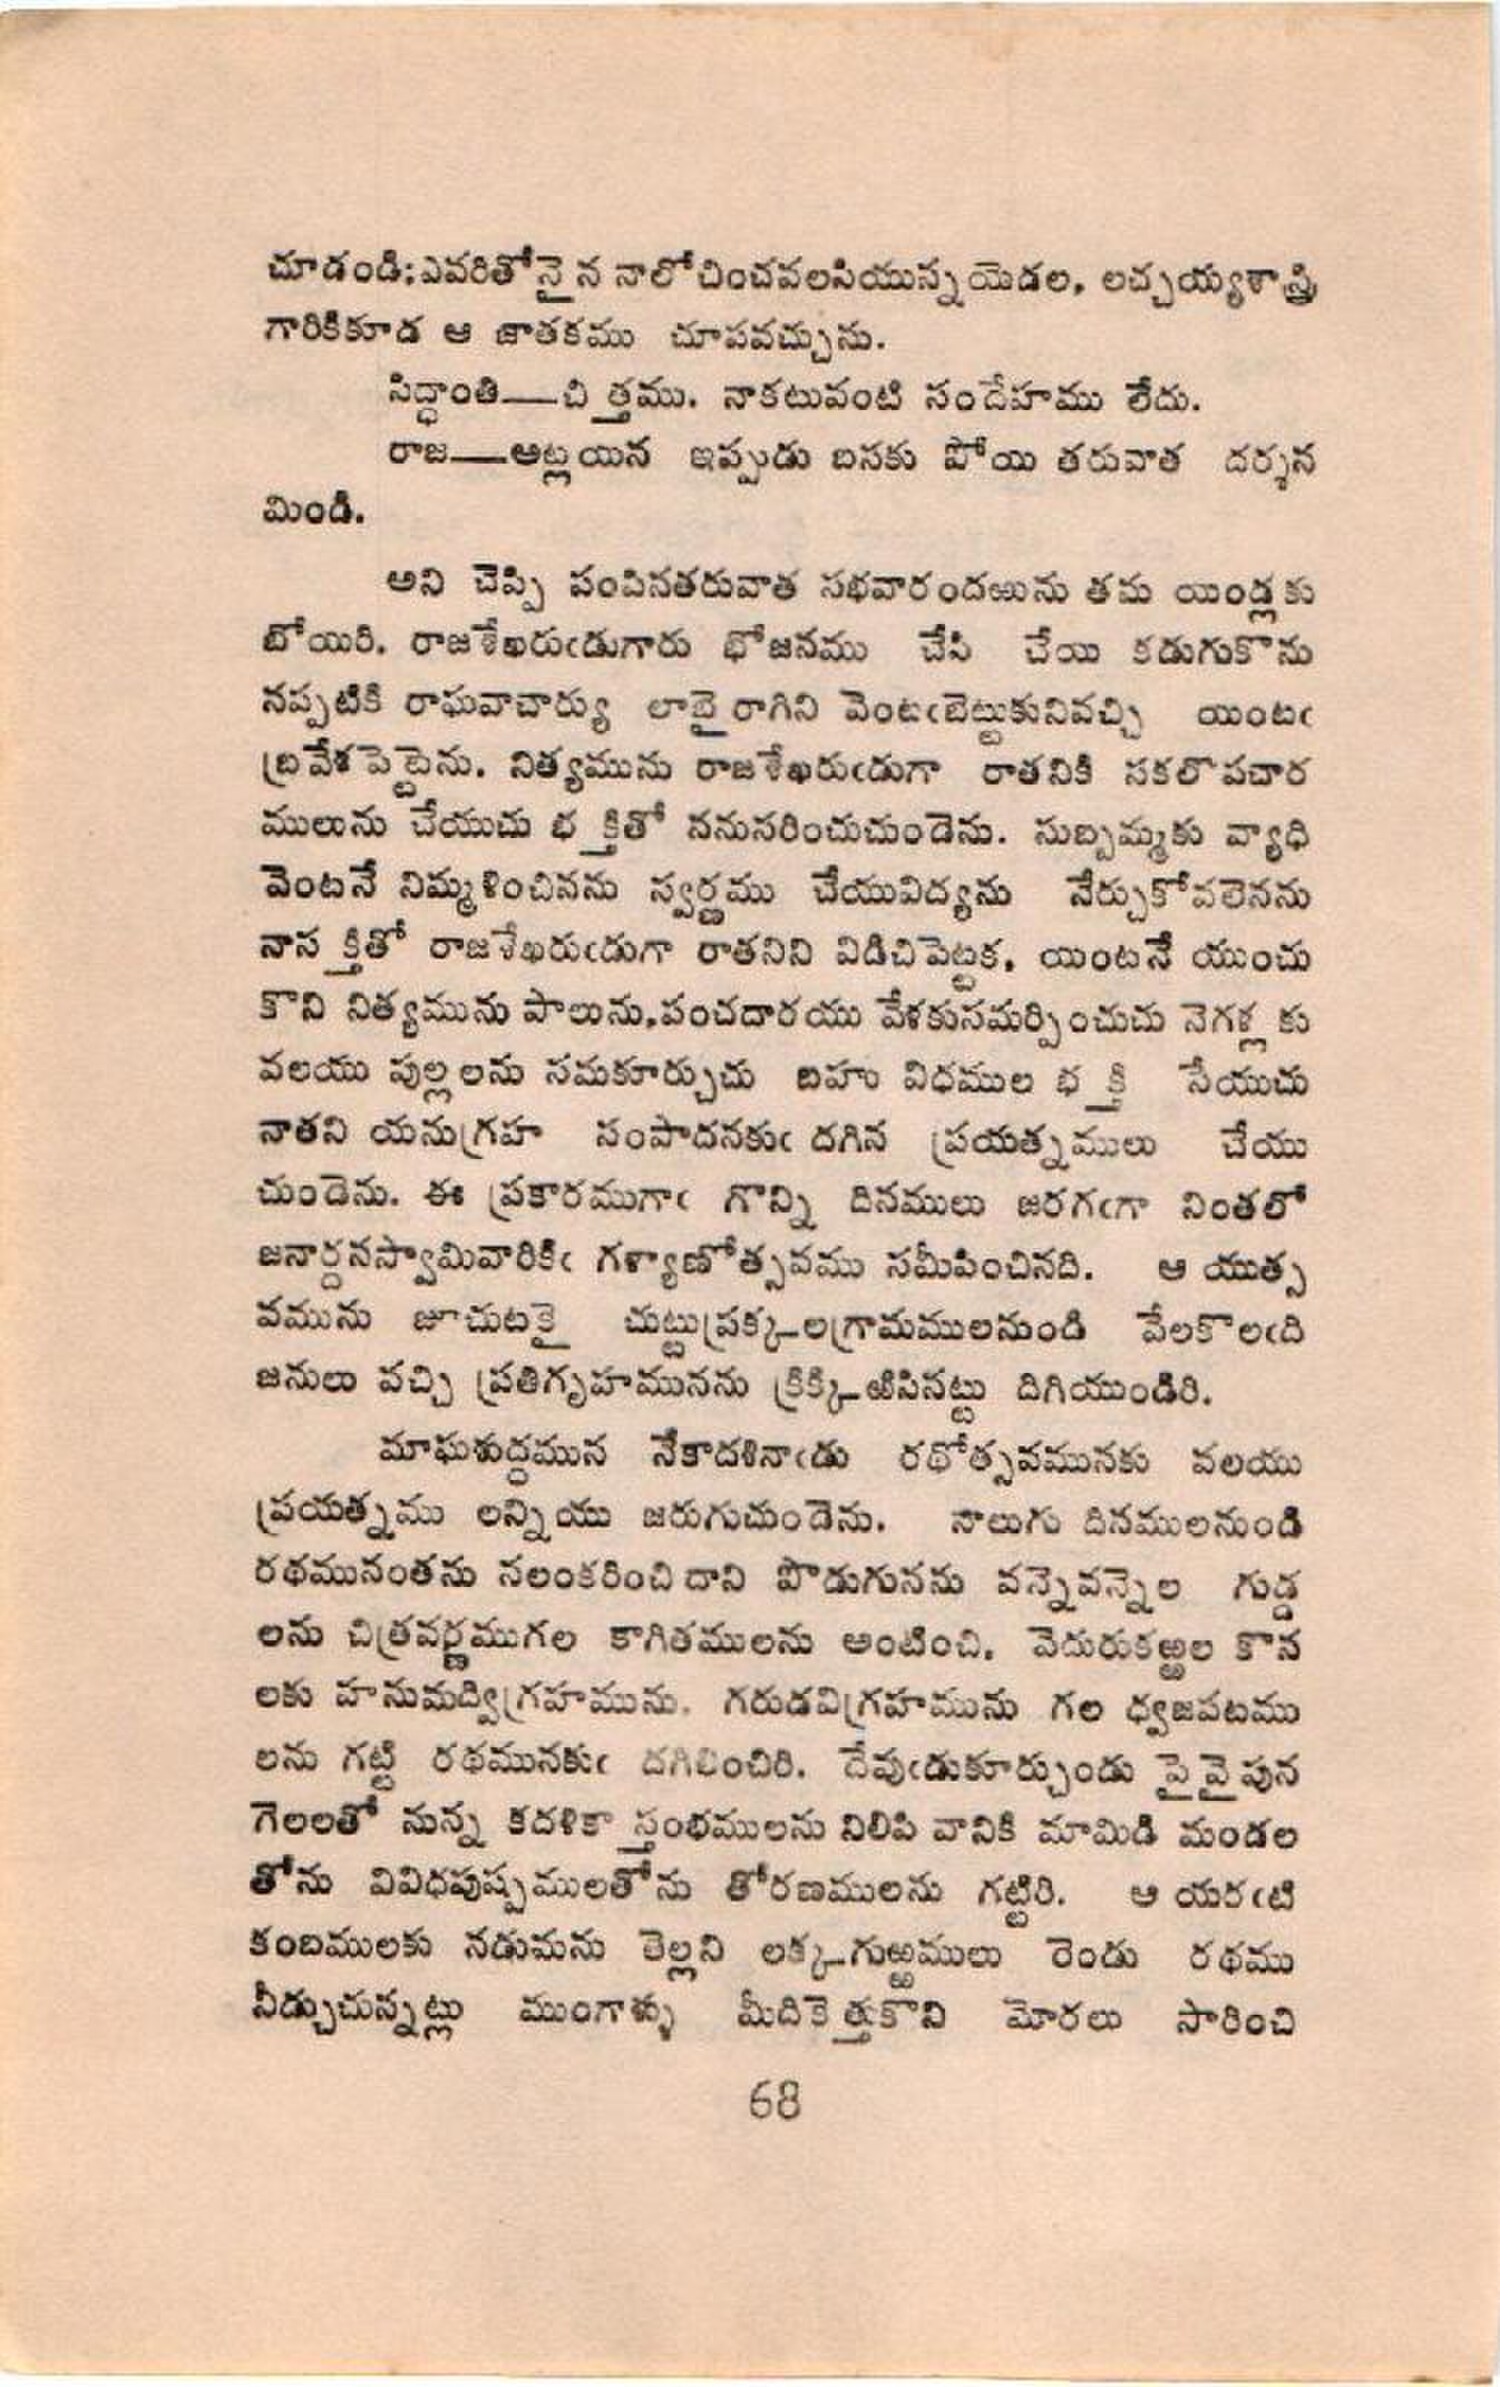చూడండి;ఎవరితోనైన నాలోచించవలసియున్నయెడల, లచ్చయ్యశాస్త్రి గారికికూడ ఆ జాతకము చూపవచ్చును.

సిద్ధాంతి__చిత్తము. నాకటువంటి సందేహము లేదు.

రాజ__అట్లయిన ఇప్పుడు బసకు పోయి తరువాత దర్శన మిండి.

అని చెప్పి పంపినతరువాత సభవారందఱును తమ యిండ్లకు బోయిరి. రాజశేఖరుఁడుగారు భోజనము చేసి చేయి కడుగుకొను నప్పటికి రాఘవాచార్యు లాబైరాగిని వెంటబెట్టుకునివచ్చి యింటఁ బ్రవేశపెట్టెను. నిత్యమును రాజశేఖరుఁడుగా రాతనికి సకలొపచార ములను చేయుచు భక్తితో ననుసరించుచుండెను. సుబ్బమ్మకు వ్యాధి వెంటనే నిమ్మళించినను స్వర్ణము చేయువిద్యను నేర్చుకోవలెనను నాస క్తితో రాజశేఖరుఁడుగా రాతనిని విడిచిపెట్టక, యింటనే యుంచు కొని నిత్యమును పాలను, పంచదారయు వేళకు సమర్పించుచు నెగళ్లకు వలయు పుల్లలను సమకూర్చుచు బహు విధముల భక్తి సేయుచు నాతని యనుగ్రహ సంపాదనకుఁ దగిన ప్రయత్నములు చేయు చుండెను. ఈ ప్రకారముగాఁ గొన్ని దినములు జరగఁగా నింతలో జనార్ధనస్వామివారికిఁ గళ్యాణోత్సవము సమీపించినది. ఆ యుత్స వమును జూచుటకై చుట్టప్రక్కల గ్రామములనుండి వేలకొలఁది జనులు వచ్చి ప్రతిగృహమునను క్రిక్కిఱిసినట్టు దిగియుండిరి.

మాఘశుద్ధమున నేకాదశినాఁడు రథోత్సవమునకు వలయు ప్రయత్నము లన్నియు జరుగుచుండెను. నాలుగు దినములనుండి రథమునంతను నలంకరించి దాని పొడుగునను వన్నెవన్నెల గుడ్డ లను చిత్ర వర్ణముగల కాగితములను అంటించి, వెదురుకఱ్ఱల కొనలకు హనుమద్విగ్రహమును, గరుడవిగ్రహమును గల ధ్వజపటము లను గట్టి రథమునకుఁ దగిలించిరి. దేవుఁడుకూర్చుండు పైవైపున గెలలతో నున్న కదళికా స్తంభములను నిలిపి వానికి మామిడి మండల తోను వివిధపుష్పములతోను తోరణములను గట్టిరి. ఆ యరఁటి కంబములకు నడుమను తెల్లని లక్కగుఱ్ఱములు రెండు రథము వీడ్చుచున్నట్లు ముంగాళ్ళు మీదికెత్తుకొని మోరలు సారించి